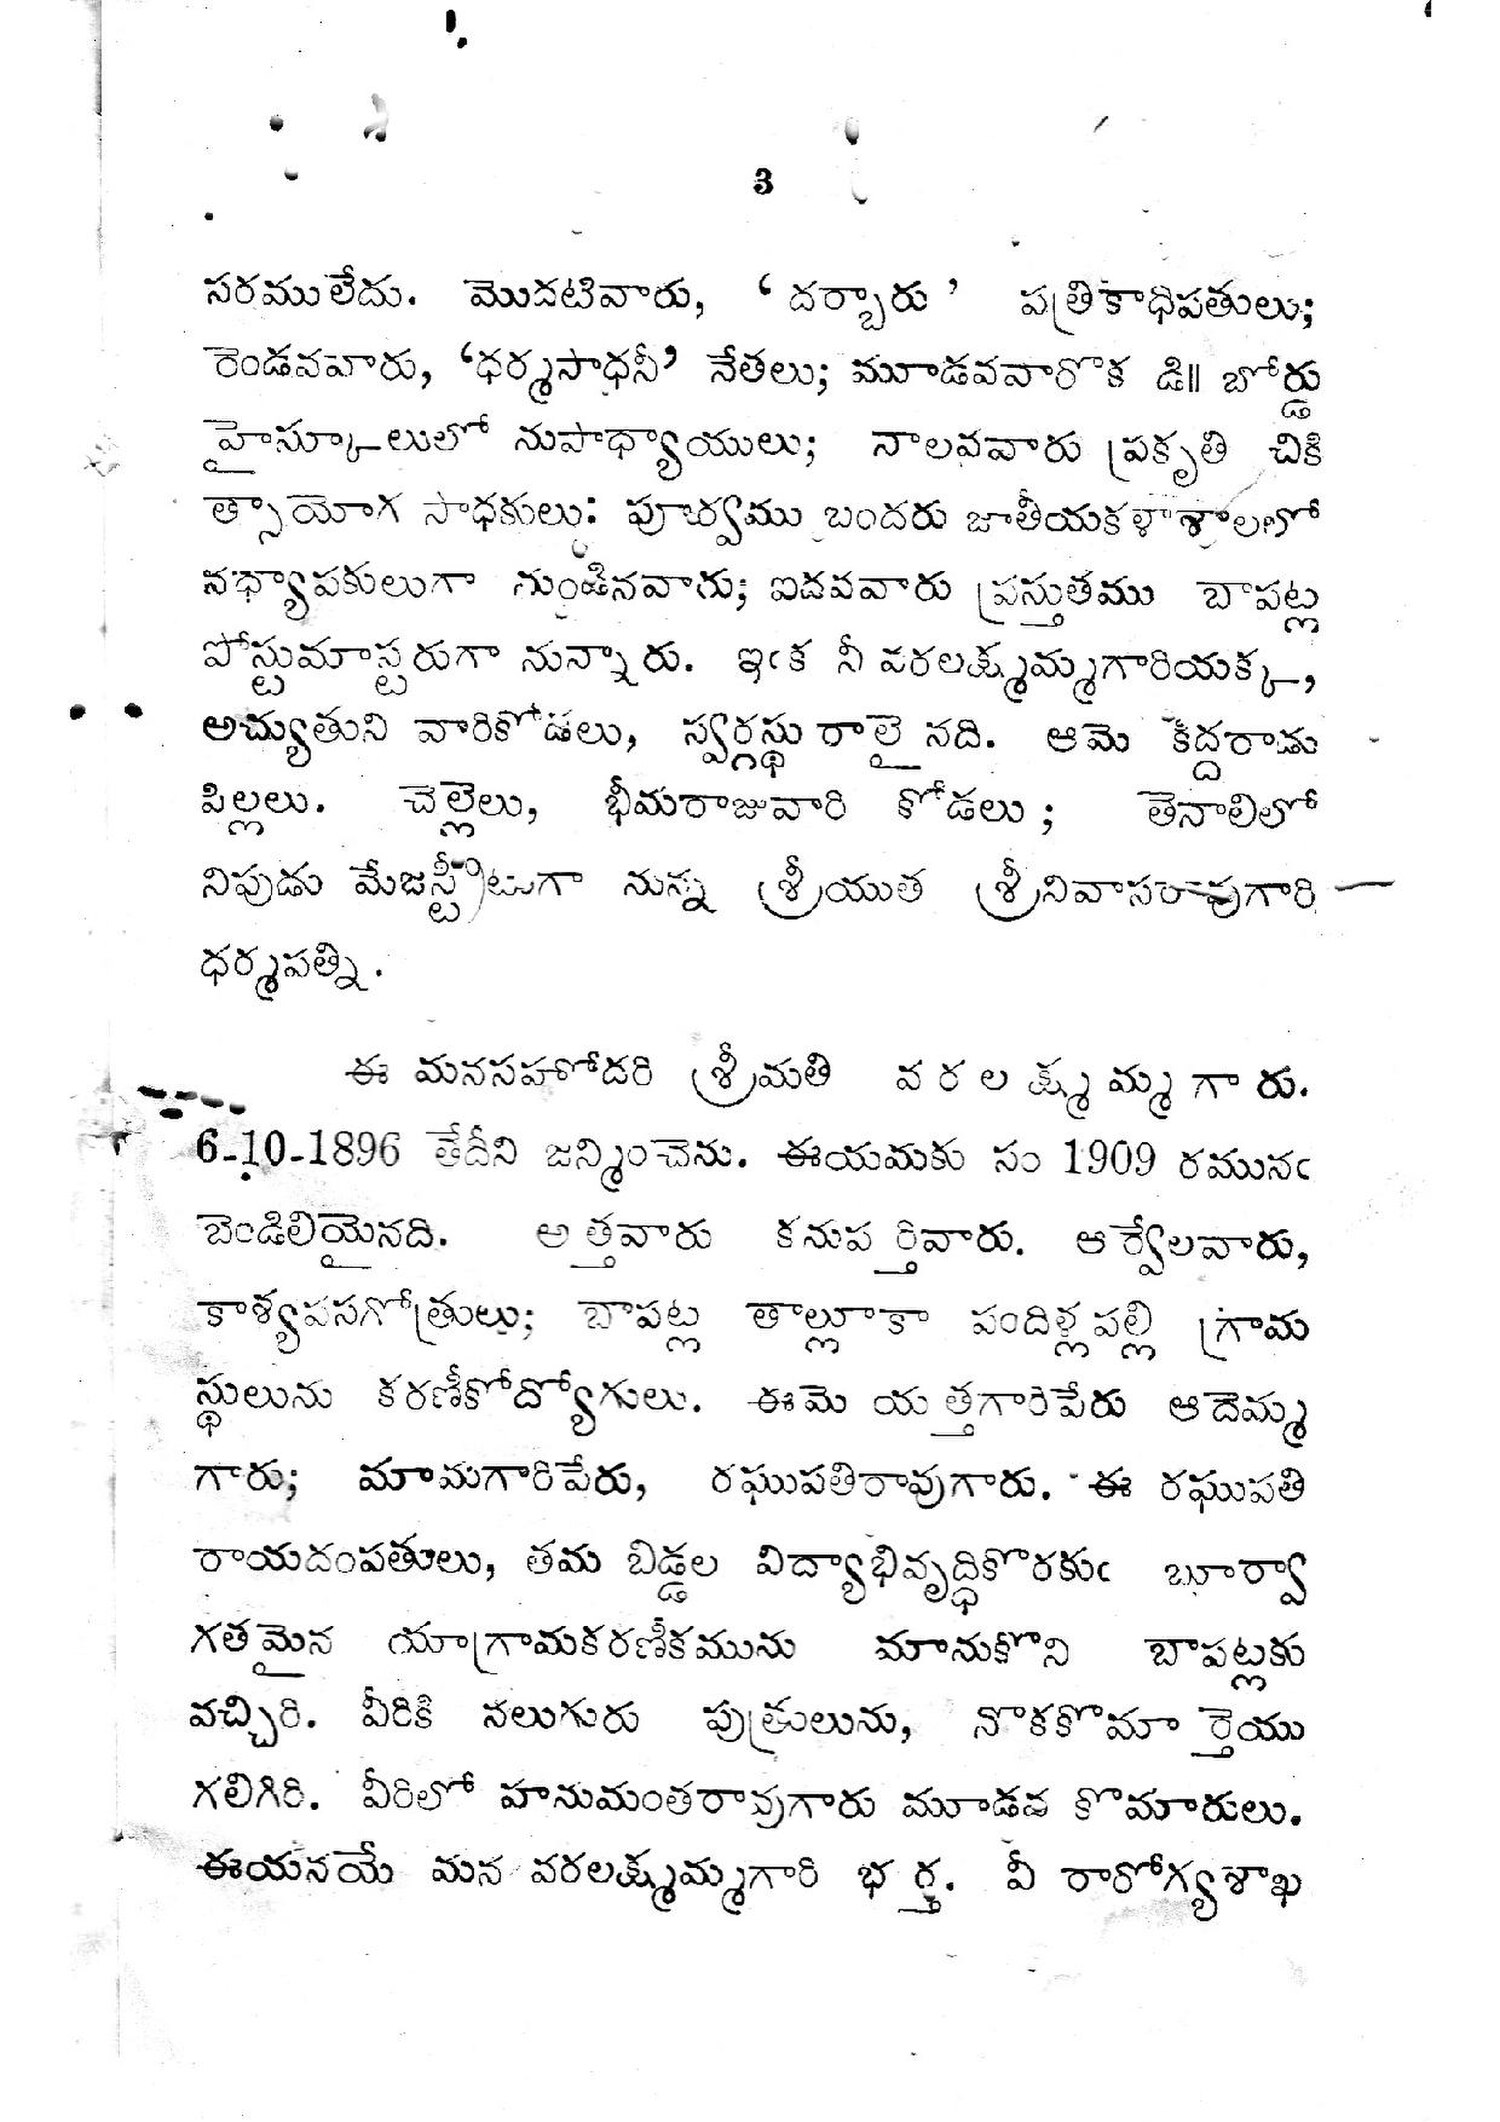సరములేదు. మొదటివారు, 'దర్బారు' పత్రికాధిపతులు; రెండవవారు, 'ధర్మసాధనీ' నేతలు; మూడవవారొక డి॥ బోర్డు హైస్కూలులో నుపాధ్యాయులు; నాలవవారు ప్రకృతి చికిత్సాయోగ సాధకులు; పూర్వము బందరు జాతీయకళాశాలలో నధ్యాపకులుగా నుండినవారు; ఐదవవారు ప్రస్తుతము బాపట్ల పోస్టుమాస్టరుగా నున్నారు. ఇఁక నీ వరలక్ష్మమ్మగారియక్క, అచ్యుతుని వారికోడలు, స్వర్గస్థురాలైనది. ఆమె కిద్దరాడుపిల్లలు. చెల్లెలు, భీమరాజువారి కోడలు; తెనాలిలో నిపుడు మేజస్ట్రీటుగా నున్న శ్రీయుత శ్రీనివాసరావుగారి ధర్మపత్ని.

ఈ మనసహోదరి శ్రీమతి వరలక్ష్మమ్మ గారు. 6-10-1896 తేదీని జన్మించెను. ఈయమకు సం 1909 రమునఁ బెండిలియైనది. అత్తవారు కనుపర్తివారు, ఆర్వేలవారు, కాశ్యపసగోత్రులు; బాపట్ల తాల్లూకా పందిళ్లపల్లి గ్రామస్థులును కరణీకోద్యోగులు. ఈమె యత్తగారిపేరు ఆదెమ్మగారు; మామగారిపేరు, రఘుపతిరావుగారు. ఈ రఘుపతిరాయదంపతులు, తమ బిడ్డల విద్యాభివృద్దికొరకుఁ బూర్వాగతమైన యాగ్రామకరణీకమును మానుకొని బాపట్లకు వచ్చిరి. వీరికి నలుగురు పుత్రులును, నొకకొమార్తెయు గలిగిరి. వీరిలో హనుమంతరావుగారు మూడవ కొమారులు. ఈయనయే మన వరలక్మమ్మగారి భర్త. వీ రారోగ్యశాఖ